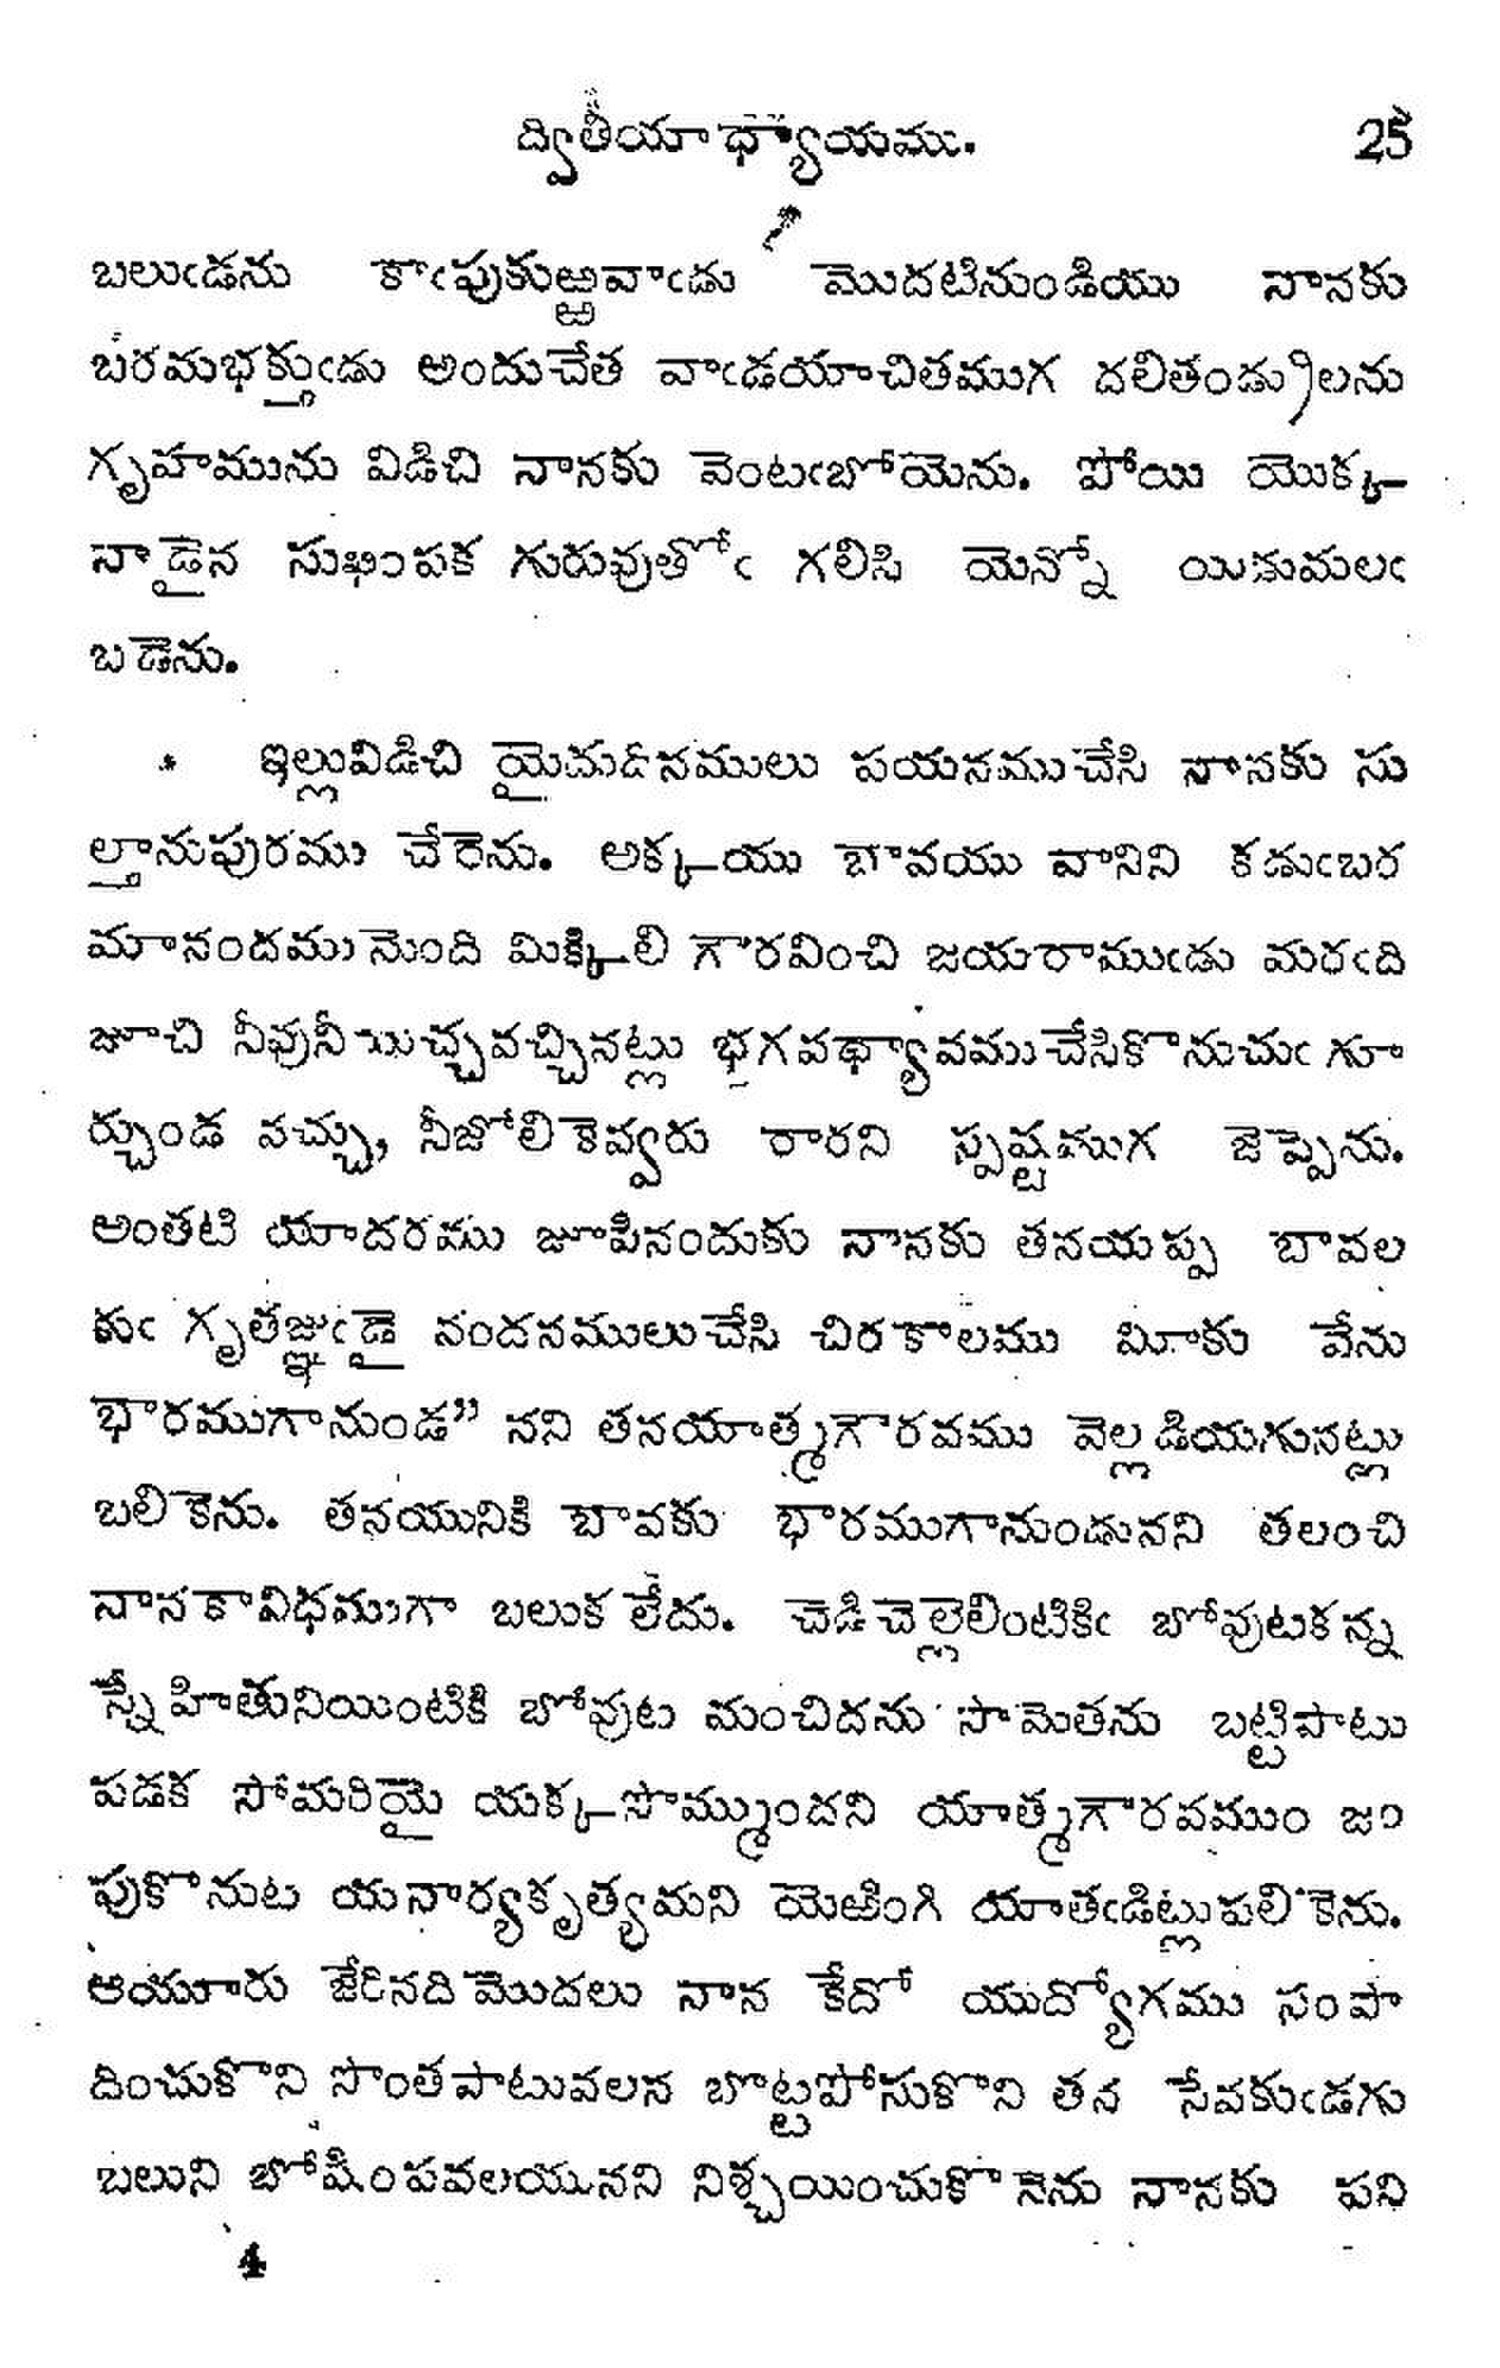బలుడును కాపుకుఱ్ఱవాడు మొదటినుండియు నానకు బరమభక్తుడు అందుచేత వాడయాచితముగ దలితండ్రులను గృహమును విడిచి నానకు వెంటబోయెను. పోయి యొక్కనాడైన సుఖింపక గురువుతో గలిసి యెన్నో యిడుమలబడెను.

ఇల్లువిడిచి యైదుదినములు పయనముచేసి నానకు సుల్తానుపురము చేరెను. అక్కయు బావయు వానిని కడుబరమానందమునొంది మిక్కిలి గౌరవించి జయరాముడు మరది జూచి నీవునీయిచ్చవచ్చినట్లు భగవథ్యానముచేసికొనుచు గూర్చుండ వచ్చు, నీజోలికెవ్వరు రారని స్పష్టముగ జెప్పెను. అంతటి యాదరము జూపినందుకు నానకు తనయప్ప బావలకు గృతజ్ఞుడై వందనములుచేసి చిరకాలము మీకు వేను భారముగానుండ"నని తనయాత్మగౌరవము వెల్లడియగునట్లు బలికెను. తనయునికి బావకు భారముగానుండునని తలంచి నానకావిధముగా బలుక లేదు. చెడిచెల్లిలింటికి బోవుటకన్న స్నేహితునియింటికి బోవుట మంచిదను సామెతను బట్టిపాటు పడక సోమరియై యక్కసొమ్ముందని యాత్మగౌరవముం జంపుకొనుట యనార్యకృత్యమని యెఱింగి యాతడిట్లు పలికెను. ఆయూరు జేరినదిమొదలు నాన కేదో యుద్యోగము సంపాదించుకొని సొంతపాటువలన బొట్టపోసుకొని తన సేవకుడగు బలుని బోషింపవలయునని నిశ్చయించుకొనెను నానకు పని